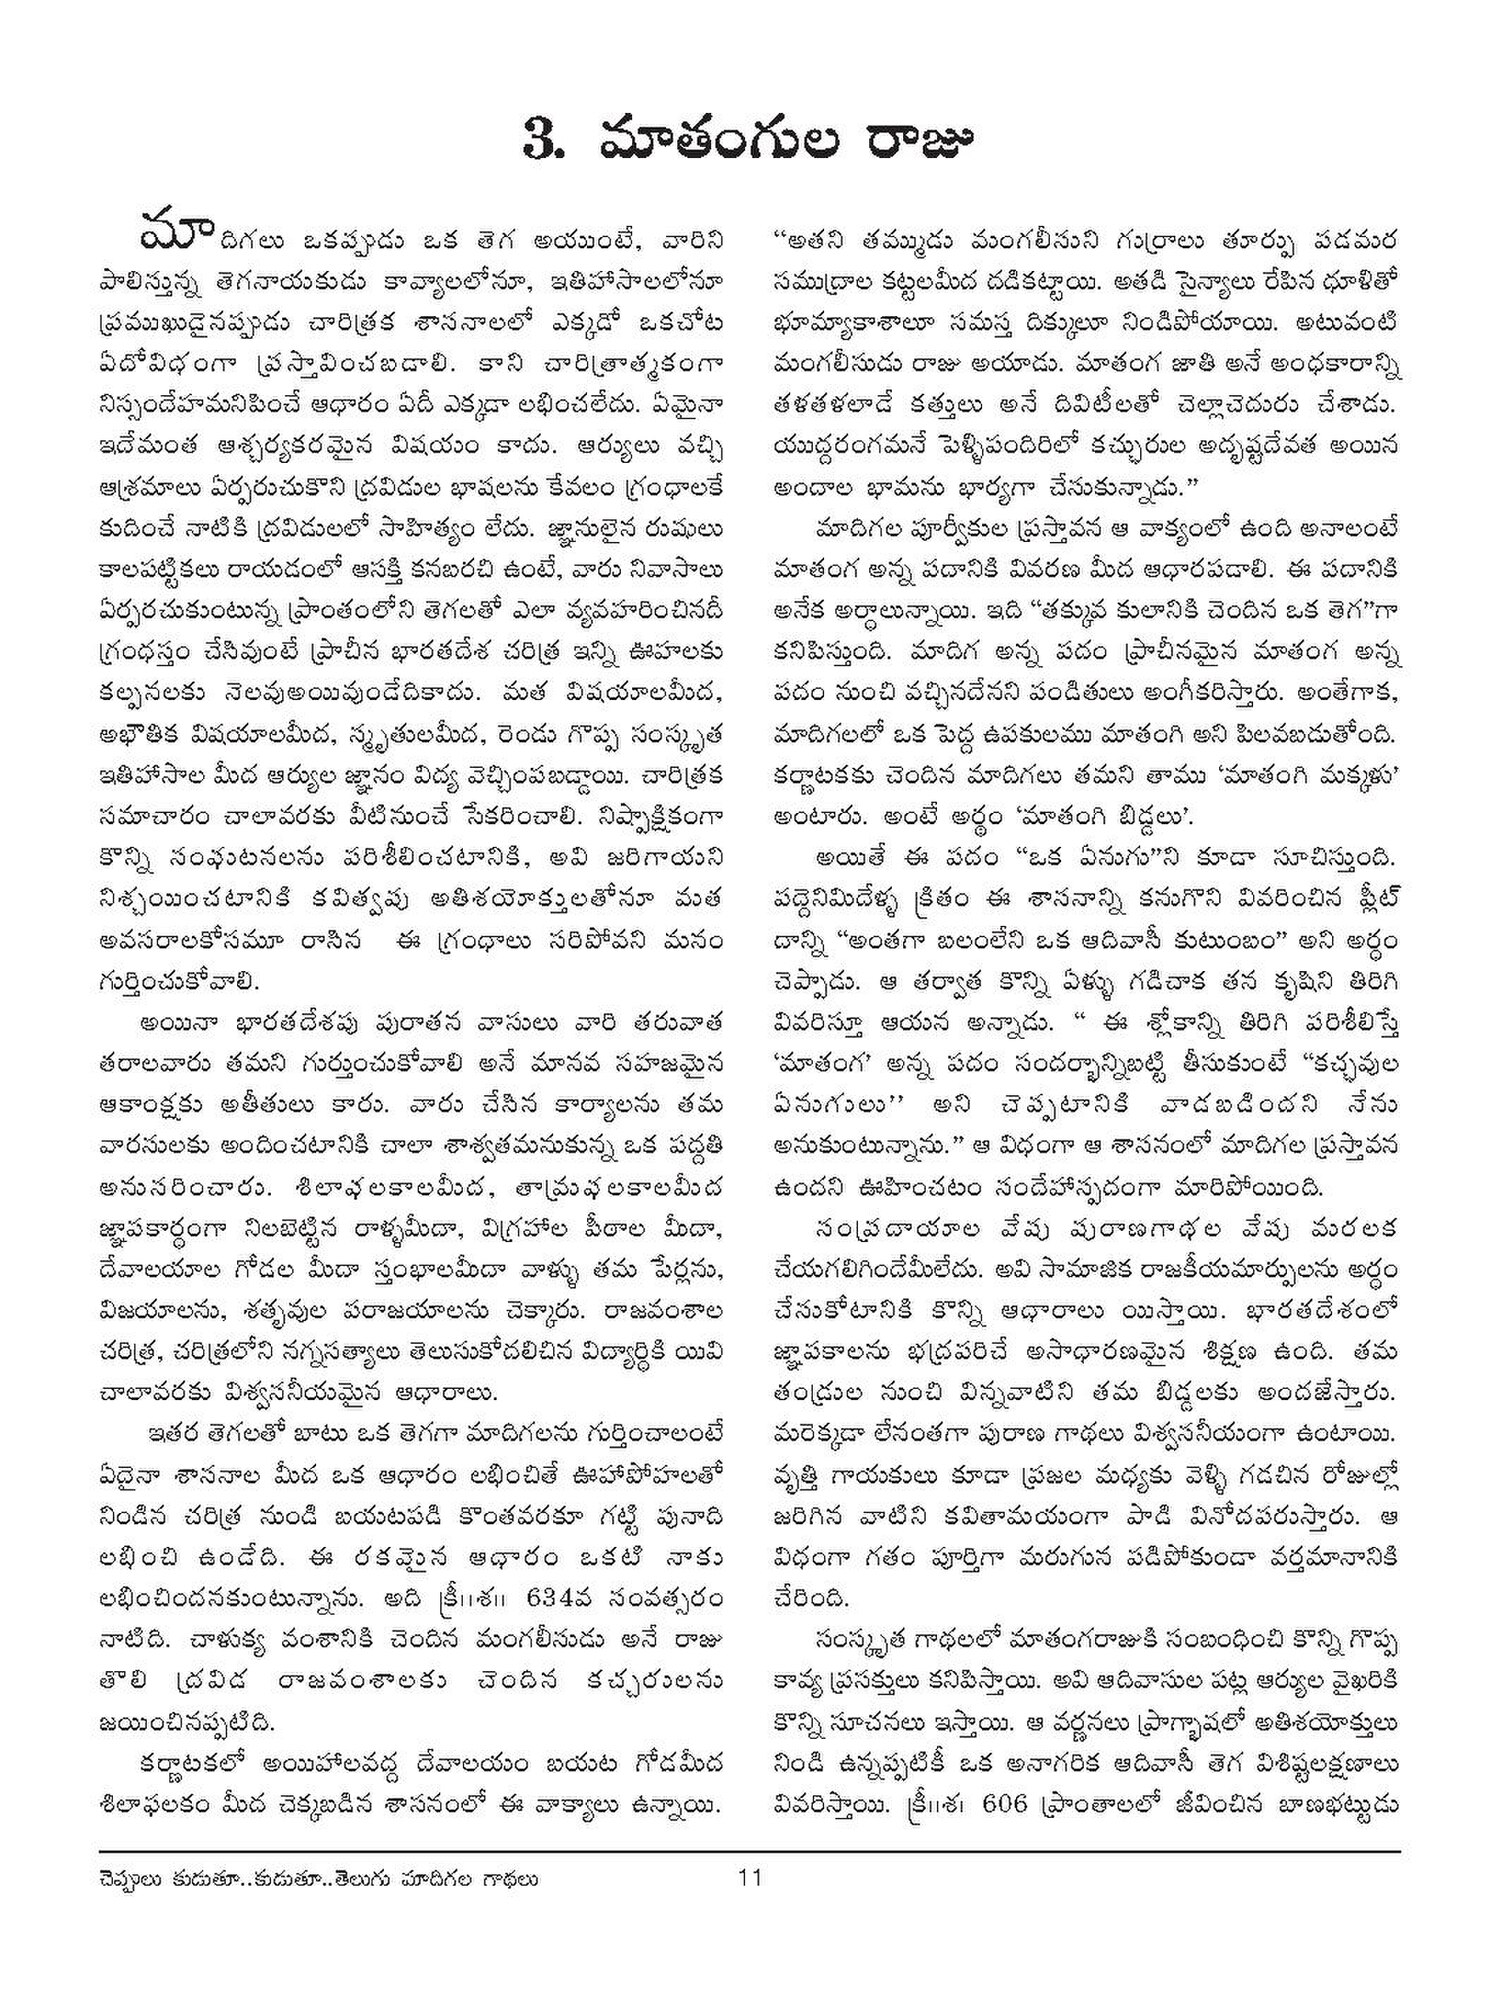3. మాతంగుల రాజు

దిగలు ఒకప్పుడు ఒక తెగ అయుంటే, వారిని పాలిస్తున్న తెగనాయకుడు కావ్యాలలోనూ, ఇతిహాసాలలోనూ ప్రముఖుడైనప్పుడు చారిత్రక శాసనాలలో ఎక్కడో ఒకచోట ఏదోవిధంగా ప్రస్తావించబడాలి. కాని చారిత్రాత్మకంగా నిస్సందేహమనిపించే ఆధారం ఏదీ ఎక్కడా లభించలేదు. ఏమైనా ఇదేమంత ఆశ్చర్యకరమైన విషయం కాదు. ఆర్యులు వచ్చి ఆశ్రమాలు ఏర్పరుచుకొని ద్రవిడుల భాషలను కేవలం గ్రంధాలకే కుదించే నాటికి ద్రవిడులలో సాహిత్యం లేదు. జ్ఞానులైన రుషులు కాలపట్టికలు రాయడంలో ఆసక్తి కనబరచి ఉంటే, వారు నివాసాలు
ఏర్పరచుకుంటున్న ప్రాంతంలోని తెగలతో ఎలా వ్యవహరించినదీ గ్రంధస్తం చేసివుంటే ప్రాచీన భారతదేశ చరిత్ర ఇన్ని ఊహలకు కల్పనలకు నెలవు అయివుండేదికాదు. మత విషయాలమీద,
అభౌతిక విషయాలమీద, స్మృతులమీద, రెండు గొప్ప సంస్కృత ఇతిహాసాల మీద ఆర్యుల జ్ఞానం విద్య వెచ్చింపబడ్డాయి. చారిత్రక సమాచారం చాలావరకు వీటినుంచే సేకరించాలి. నిష్పాక్షికంగా
కొన్ని సంఘటనలను పరిశీలించటానికి, అవి జరిగాయని నిశ్చయించటానికి కవిత్వపు అతిశయోక్తులతోనూ మత అవసరాలకోసమూ రాసిన ఈ గ్రంధాలు సరిపోవని మనం
గుర్తించుకోవాలి.

అయినా భారతదేశపు పురాతన వాసులు వారి తరువాత తరాలవారు తమని గుర్తుంచుకోవాలి అనే మానవ సహజమైన ఆకాంక్షకు అతీతులు కారు. వారు చేసిన కార్యాలను తమ వారసులకు అందించటానికి చాలా శాశ్వతమనుకున్న ఒక పద్దతి అనుసరించారు. శిలాఫలకాలమీద, తామ్రఫలకాలమీద జ్ఞాపకార్థంగా నిలబెట్టిన రాళ్ళమీదా, విగ్రహాల పీఠాల మీదా, దేవాలయాల గోడల మీదా స్తంభాలమీదా వాళ్ళు తమ పేర్లను, విజయాలను, శతృవుల పరాజయాలను చెక్కారు. రాజవంశాల చరిత్ర, చరిత్రలోని నగ్నసత్యాలు తెలుసుకోదలిచిన విద్యార్థికి యివి చాలావరకు విశ్వసనీయమైన ఆధారాలు.

ఇతర తెగలతో బాటు ఒక తెగగా మాదిగలను గుర్తించాలంటే ఏదైనా శాసనాల మీద ఒక ఆధారం లభించితే ఊహాపోహలతో నిండిన చరిత్ర నుండి బయటపడి కొంతవరకూ గట్టి పునాది లభించి ఉండేది. ఈ రకమైన ఆధారం ఒకటి నాకు లభించిందనకుంటున్నాను. అది క్రీ॥శ॥ 634వ సంవత్సరం నాటిది. చాళుక్య వంశానికి చెందిన మంగలీసుడు అనే రాజు తొలి ద్రవిడ రాజవంశాలకు చెందిన కచ్చరులను జయించినప్పటిది.

కర్ణాటకలో అయిహాలవద్ద దేవాలయం బయట గోడమీద శిలాఫలకం మీద చెక్కబడిన శాసనంలో ఈ వాక్యాలు ఉన్నాయి. "అతని తమ్ముడు మంగలీసుని గుర్రాలు తూర్పు పడమర సముద్రాలు కట్టలమీద దడికట్టాయి. అతడి సైన్యాలు రేపిన ధూళితో భూమ్యాకాశాలూ సమస్త దిక్కులూ నిండిపోయాయి. అటువంటి మంగలీసుడు రాజు అయాడు. మాతంగ జాతి అనే అంధకారాన్ని తళతళలాడే కత్తులు అనే దివిటీలతో చెల్లాచెదురు చేశాడు. యుద్ధరంగమనే పెళ్ళిపందిరిలో కచ్చురుల అదృష్టదేవత అయిన అందాల భామను భార్యగా చేసుకున్నాడు.”

మాదిగల పూర్వీకుల ప్రస్తావన ఆ వాక్యంలో ఉంది అనాలంటే మాతంగ అన్న పదానికి వివరణ మీద ఆధారపడాలి. ఈ పదానికి అనేక అర్ధాలున్నాయి. ఇది "తక్కువ కులానికి చెందిన ఒక తెగ"గా
కనిపిస్తుంది. మాదిగ అన్న పదం ప్రాచీనమైన మాతంగ అన్న పదం నుంచి వచ్చినదేనని పండితులు అంగీకరిస్తారు. అంతేగాక, మాదిగలలో ఒక పెద్ద ఉపకులము మాతంగి అని పిలవబడుతోంది. కర్ణాటకకు చెందిన మాదిగలు తమని తాము 'మాతంగి మక్కళు' అంటారు. అంటే అర్థం 'మాతంగి బిడ్డలు'.

అయితే ఈ పదం "ఒక ఏనుగు"ని కూడా సూచిస్తుంది. పద్దెనిమిదేళ్ళ క్రితం ఈ శాసనాన్ని కనుగొని వివరించిన ప్లీట్ దాన్ని "అంతగా బలంలేని ఒక ఆదివాసీ కుటుంబం" అని అర్ధం చెప్పాడు. ఆ తర్వాత కొన్ని ఏళ్ళు గడిచాక తన కృషిని తిరిగి వివరిస్తూ ఆయన అన్నాడు. ఈ శ్లోకాన్ని తిరిగి పరిశీలిస్తే 'మాతంగ' అన్న పదం సందర్భాన్నిబట్టి తీసుకుంటే "కచ్ఛవుల ఏనుగులు" అని చెప్పటానికి వాడబడిందని నేను అనుకుంటున్నాను.” ఆ విధంగా ఆ శాసనంలో మాదిగల ప్రస్తావన
ఉందని ఊహించటం సందేహాస్పదంగా మారిపోయింది.

సంప్రదాయాల వేపు పురాణగాథల వేపు మరలక చేయగలిగిందేమీలేదు. అవి సామాజిక రాజకీయమార్పులను అర్ధం చేసుకోటానికి కొన్ని ఆధారాలు యిస్తాయి. భారతదేశంలో జ్ఞాపకాలను భద్రపరిచే అసాధారణమైన శిక్షణ ఉంది. తమ తండ్రుల నుంచి విన్నవాటిని తమ బిడ్డలకు అందజేస్తారు. మరెక్కడా లేనంతగా పురాణ గాథలు విశ్వసనీయంగా ఉంటాయి. వృత్తి గాయకులు కూడా ప్రజల మధ్యకు వెళ్ళి గడచిన రోజుల్లో జరిగిన వాటిని కవితామయంగా పాడి వినోదపరుస్తారు. ఆ విధంగా గతం పూర్తిగా మరుగున పడిపోకుండా వర్తమానానికి చేరింది.

సంస్కృత గాథలలో మాతంగరాజుకి సంబంధించి కొన్ని గొప్ప కావ్య ప్రసక్తులు కనిపిస్తాయి. అవి ఆదివాసుల పట్ల ఆర్యుల వైఖరికి కొన్ని సూచనలు ఇస్తాయి. ఆ వర్ణనలు ప్రాగ్భాషలో అతిశయోక్తులు
నిండి ఉన్నప్పటికీ ఒక అనాగరిక ఆదివాసీ తెగ విశిష్టలక్షణాలు వివరిస్తాయి. క్రీ॥శ॥ 606 ప్రాంతాలలో జీవించిన బాణభట్టుడు